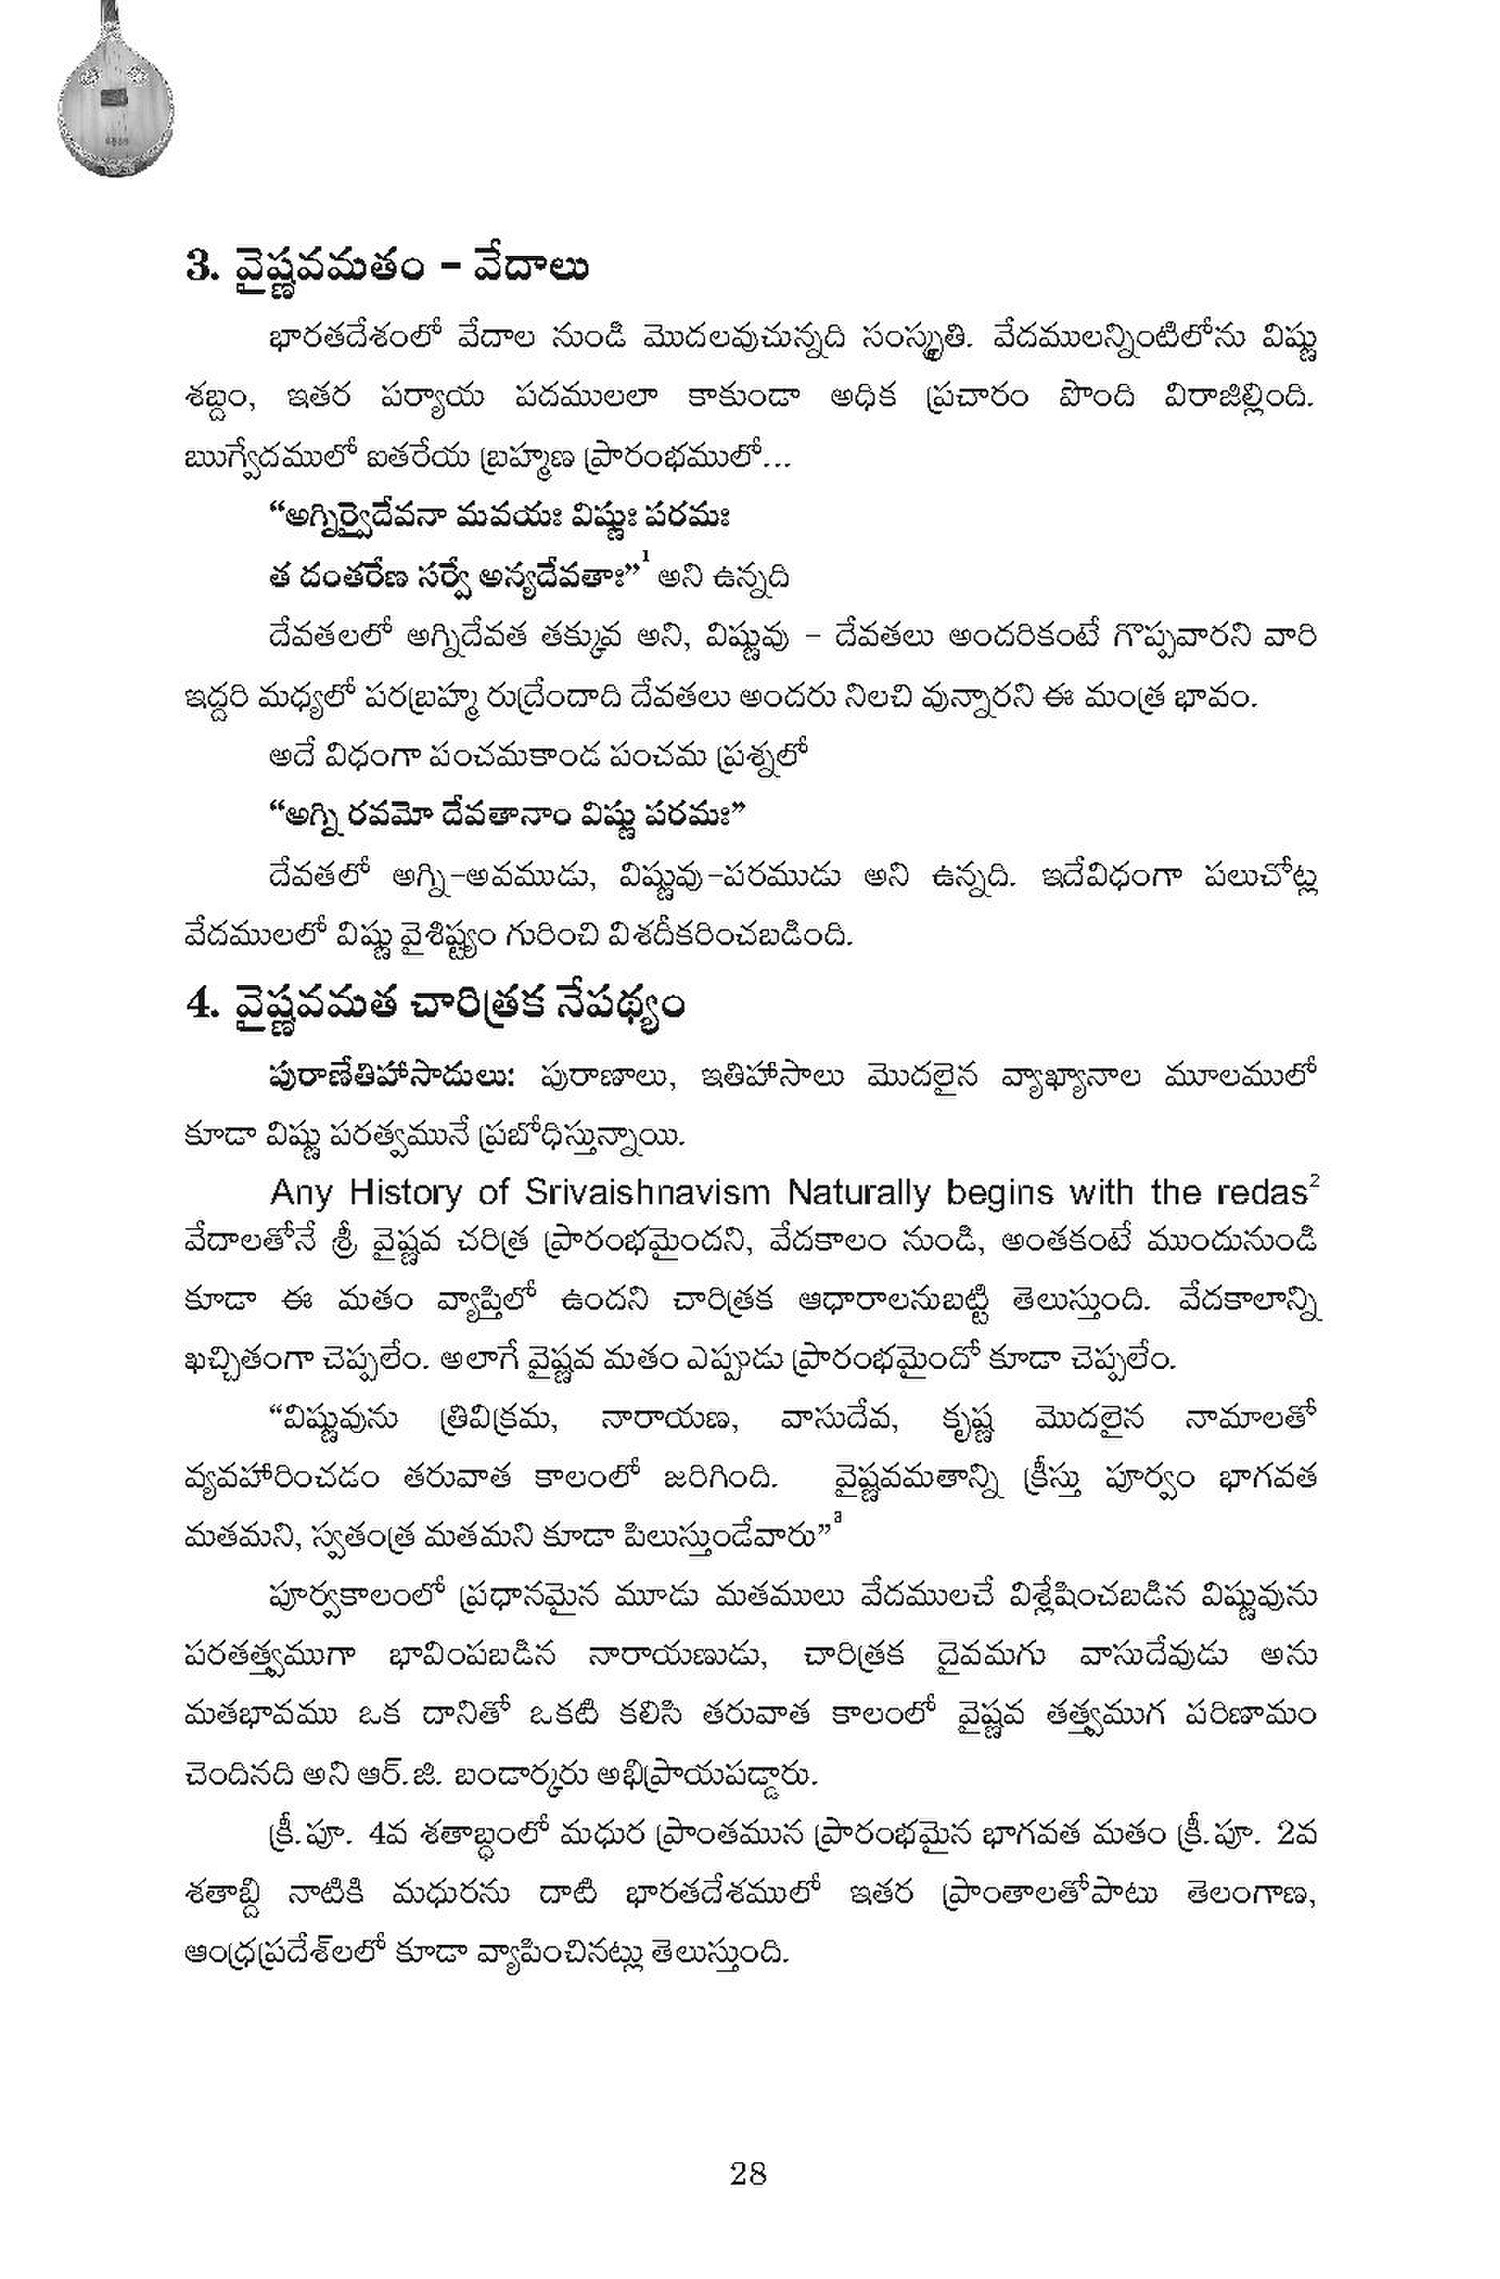3. వైష్ణవమతం - వేదాలు 

భారతదేశంలో వేదాల నుండి మొదలవుచున్నది సంస్కృతి. వేదములన్నింటిలోను విష్ణు శబ్దం, ఇతర పర్యాయ పదములలా కాకుండా అధిక ప్రచారం పొంది విరాజిల్లింది. ఋగ్వేదములో ఐతరేయ బ్రహ్మణ ప్రారంభములో...

“అగ్నిర్వైదేవనా మవయః విష్ణుః పరమః
త దంతరేణ సర్వే అన్యదేవతా!" అని ఉన్నది

దేవతలలో అగ్నిదేవత తక్కువ అని, విష్ణువు - దేవతలు అందరికంటే గొప్పవారని వారి ఇద్దరి మధ్యలో పరబ్రహ్మ రుద్రేంద్రాది దేవతలు అందరు నిలచి వున్నారని ఈ మంత్ర భావం.

అదే విధంగా పంచమకాండ పంచమ ప్రశ్నలో
“అగ్ని రవమో దేవతానాం విష్ణు పరమః”

దేవతలో అగ్ని - అవముడు, విష్ణువు పరముడు అని ఉన్నది. ఇదేవిధంగా పలుచోట్ల వేదములలో విష్ణు వైశిష్ట్యం గురించి విశదీకరించబడింది.

4. వైష్ణవమత చారిత్రక నేపథ్యం 

పురాణేతిహాసాదులు: పురాణాలు, ఇతిహాసాలు మొదలైన వ్యాఖ్యానాల మూలములో కూడా విష్ణు పరత్వమునే ప్రబోధిస్తున్నాయి.

Any History of Srivaishnavism Naturally begins with the redas2 వేదాలతోనే శ్రీ వైష్ణవ చరిత్ర ప్రారంభమైందని, వేదకాలం నుండి, అంతకంటే ముందునుండి కూడా ఈ మతం వ్యాప్తిలో ఉందని చారిత్రక ఆధారాలను బట్టి తెలుస్తుంది. వేదకాలాన్ని ఖచ్చితంగా చెప్పలేం. అలాగే వైష్ణవ మతం ఎప్పుడు ప్రారంభమైందో కూడా చెప్పలేం.

"విష్ణువును త్రివిక్రమ, నారాయణ, వాసుదేవ, కృష్ణ మొదలైన నామాలతో వ్యవహారించడం తరువాత కాలంలో జరిగింది. వైష్ణవమతాన్ని క్రీస్తు పూర్వం భాగవత మతమని, స్వతంత్ర మతమని కూడా పిలుస్తుండేవారు"3

పూర్వకాలంలో ప్రధానమైన మూడు మతములు వేదములచే విశ్లేషించబడిన విష్ణువును పరతత్త్వముగా భావింపబడిన నారాయణుడు, చారిత్రక దైవమగు వాసుదేవుడు అను మతభావము ఒక దానితో ఒకటి కలిసి తరువాత కాలంలో వైష్ణవ తత్త్వముగ పరిణామం చెందినది అని ఆర్.జి. బండార్కరు అభిప్రాయపడ్డారు.

క్రీ.పూ. 4వ శతాబ్దంలో మధుర ప్రాంతమున ప్రారంభమైన భాగవత మతం క్రీ.పూ. 2వ శతాబ్ది నాటికి మధురను దాటి భారతదేశములో ఇతర ప్రాంతాలతోపాటు తెలంగాణ, ఆంధ్రప్రదేశ్లో కూడా వ్యాపించినట్లు తెలుస్తుంది.